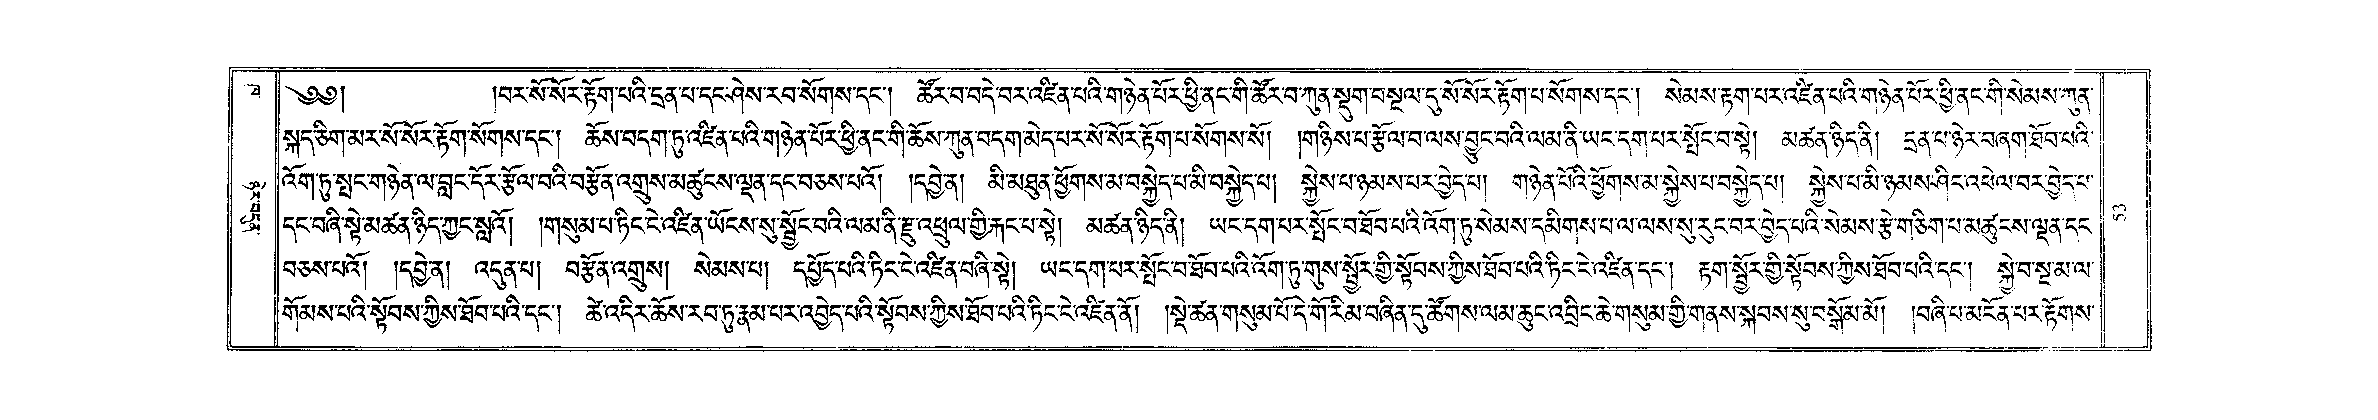༄༅། །བར་སོ་སོར་རྟོག་པའི་དྲན་པ་དང་ཤེས་རབ་སོགས་དང་། ཚོར་བ་བདེ་བར་འཛིན་པའི་གཉེན་པོར་ཕྱི་ནང་གི་ཚོར་བ་ཀུན་སྡུག་བསྔལ་དུ་སོ་སོར་རྟོག་པ་སོགས་དང་། སེམས་རྟག་པར་འཛིན་པའི་གཉེན་པོར་ཕྱི་ནང་གི་སེམས་ཀུན་
སྐད་ཅིག་མར་སོ་སོར་རྟོག་སོགས་དང་། ཆོས་བདག་ཏུ་འཛིན་པའི་གཉེན་པོར་ཕྱི་ནང་གི་ཆོས་ཀུན་བདག་མེད་པར་སོ་སོར་རྟོག་པ་སོགས་སོ། །གཉིས་པ་རྩོལ་བ་ལས་བྱུང་བའི་ལམ་ནི་ཡང་དག་པར་སྤོང་བ་སྟེ། མཚན་ཉིད་ནི། དྲན་པ་ཉེར་བཞག་ཐོབ་པའི་
འོག་ཏུ་སྤང་གཉེན་ལ་བླང་དོར་རྩོལ་བའི་བརྩོན་འགྲུས་མཚུངས་ལྡན་དང་བཅས་པའོ། །དབྱེ་ན། མི་མཐུན་ཕྱོགས་མ་བསྐྱེད་པ་མི་བསྐྱེད་པ། སྐྱེས་པ་ཉམས་པར་བྱེད་པ། གཉེན་པོའི་ཕྱོགས་མ་སྐྱེས་པ་བསྐྱེད་པ། སྐྱེས་པ་མི་ཉམས་ཤིང་འཕེལ་བར་བྱེད་པ་
དང་བཞི་སྟེ་མཚན་ཉིད་ཀྱང་སླའོ། །གསུམ་པ་ཏིང་ངེ་འཛིན་ཡོངས་སུ་སྦྱོང་བའི་ལམ་ནི་རྫུ་འཕྲུལ་གྱི་རྐང་པ་སྟེ། མཚན་ཉིད་ནི། ཡང་དག་པར་སྤོང་བ་ཐོབ་པའི་འོག་ཏུ་སེམས་དམིགས་པ་ལ་ལས་སུ་རུང་བར་བྱེད་པའི་སེམས་རྩེ་གཅིག་པ་མཚུངས་ལྡན་དང་
བཅས་པའོ། །དབྱེ་ན། འདུན་པ། བརྩོན་འགྲུས། སེམས་པ། དཔྱོད་པའི་ཏིང་ངེ་འཛིན་བཞི་སྟེ། ཡང་དག་པར་སྤོང་བ་ཐོབ་པའི་འོག་ཏུ་གུས་སྦྱོར་གྱི་སྟོབས་ཀྱིས་ཐོབ་པའི་ཏིང་ངེ་འཛིན་དང་། རྟག་སྦྱོར་གྱི་སྟོབས་ཀྱིས་ཐོབ་པའི་དང་། སྐྱེ་བ་སྔ་མ་ལ་
གོམས་པའི་སྟོབས་ཀྱིས་ཐོབ་པའི་དང་། ཚེ་འདིར་ཆོས་རབ་ཏུ་རྣམ་པར་འབྱེད་པའི་སྟོབས་ཀྱིས་ཐོབ་པའི་ཏིང་ངེ་འཛིན་ནོ། །སྡེ་ཚན་གསུམ་པོ་དེ་གོ་རིམ་བཞིན་དུ་ཚོགས་ལམ་ཆུང་འབྲིང་ཆེ་གསུམ་གྱི་གནས་སྐབས་སུ་བསྒོམ་མོ། །བཞི་པ་མངོན་པར་རྟོགས་